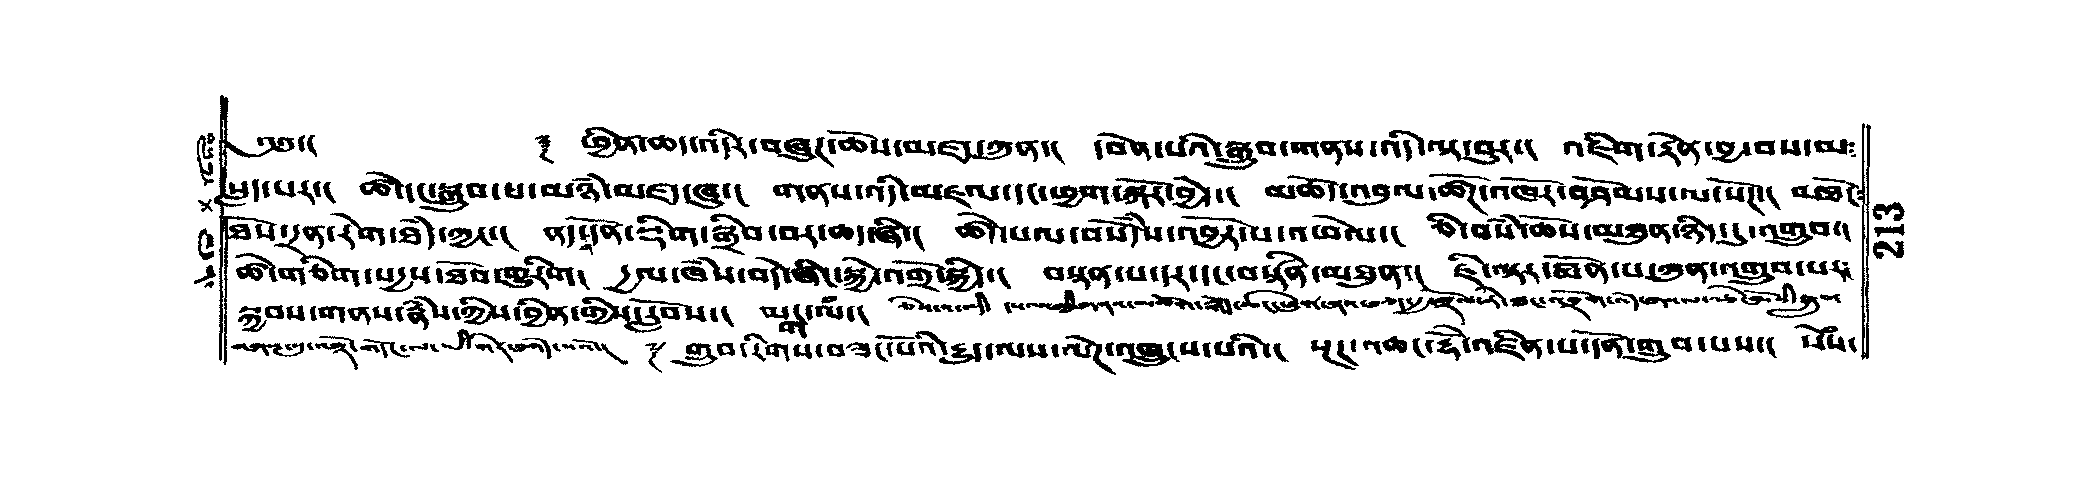༈ ཕྱིན་ཆད་འདིར་བཞུགས་ཆོས་མཛད་ཀུན། །དབེན་པའི་སྒྲུབ་གནས་འདི་ལྟ་བུར། །འཇིག་རྟེན་བྱ་བས་མ་
སླད་པར། །ཚེ་དང་སྒྲུབ་པ་མཉམ་མཛད་ཞུ། །གནས་འདི་མཇལ་དང་ཕྱག་སྐོར་བྱེད། །མཆོད་འབུལ་ཚོགས་འཁོར་བཤོམས་ལ་སོགས། །མཐོང་
ཐོས་དྲན་རེག་ཐམས་ཅད་ཀྱང་། །ནད་འདོན་སྡིག་སྒྲིབ་བར་ཆད་ཞི། །ཚེ་དཔལ་བསོད་ནམས་འབྱོར་པ་འཕེལ་། །ཅི་བསམ་ཆོས་མཐུན་ཉིད་དུ་འགྲུབ། །
ཚེ་གཅིག་སངས་རྒྱས་ཐོབ་གྱུར་ཅིག །རྒྱལ་ཁམས་བདེ་ཞིང་སྐྱེ་འགྲོ་སྐྱིད། །བསྟན་པ་དར་དང་བསྟན་འཛིན་མཐུན། །ཇི་ལྟར་སྨོན་ལམ་ཀུན་འགྲུབ་པར། །
སྐྱབས་གནས་རྣམས་ཀྱིས་བྱིན་གྱིས་རློབས། མངྒ་ལཾ། ཅེས་པ་འདི་དཔལ་གྱི་གནས་མཆོག་རྒོད་ཚང་ཕུག་ནས་བཅད་རྒྱ་གྲོལ་ཏེ་ཐང་འབྲོག་འོད་གསལ་རྩེ་མོའི་སྒྲུབ་
གནས་སུ་འགྲོ་གདོང་ལ་ཡི་གེར་བཀོད་པའོ།། ༈ གྲུབ་རིགས་བཟང་པོའི་རྒྱུད་ལས་ལེགས་འཁྲུངས་པའི། །སྔགས་འཆང་རྡོ་རྗེ་འཛིན་པ་དོན་གྲུབ་པས། །སེམས་